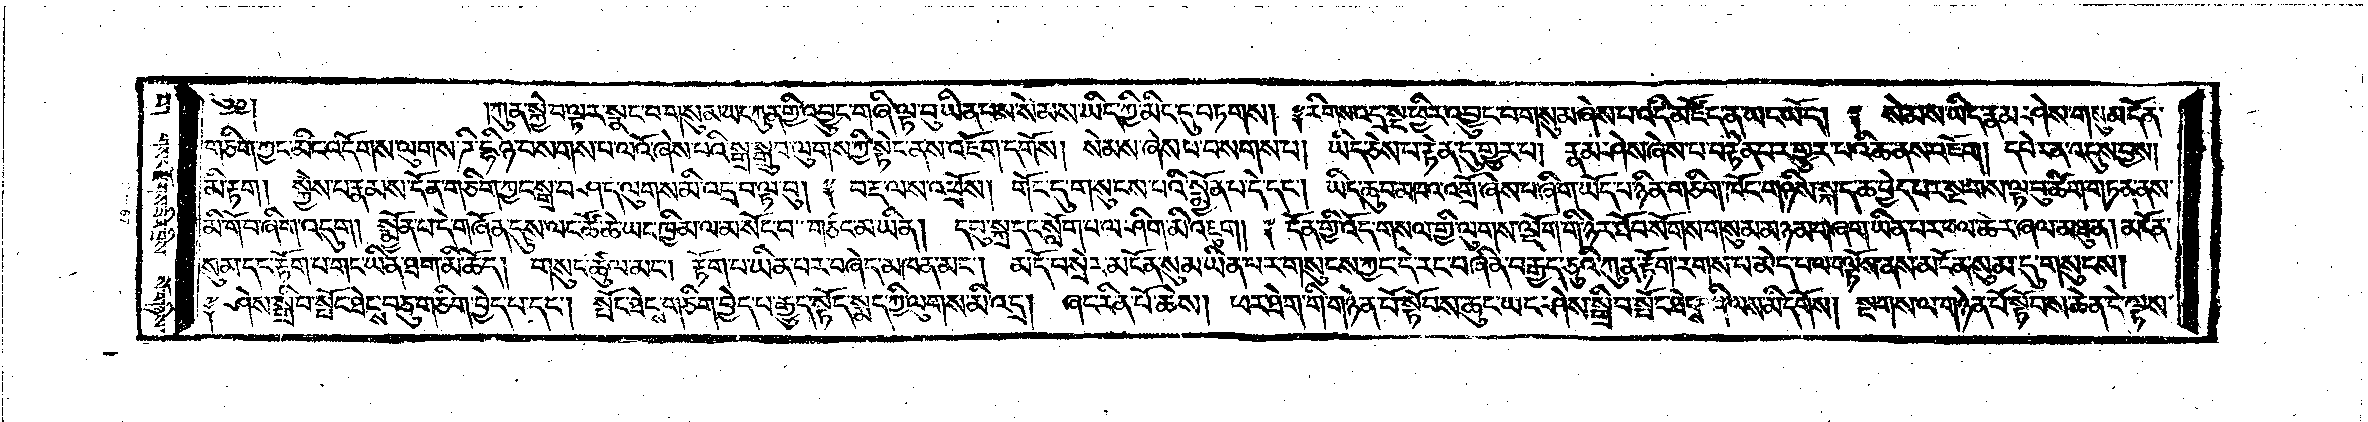༄༅། །ཀུན་སྐྱེ་བ་ལྟར་སྣང་བ་གསུམ་ཡང་ཀུན་གྱི་འབྱུང་གཞི་ལྟ་བུ་ཡིན་པས་སེམས་ཡིད་ཀྱི་མིང་དུ་བཏགས། ༈ རིགས་འདྲ་སྔ་ཕྱིར་འབྱུང་བ་གསུམ་ཞེས་པ་འདི་མཛོད་ན་ཡང་ཡོད། ༈ སེམས་ཡིད་རྣམ་ཤེས་གསུམ་དོན་
གཅིག་ཀྱང་མིང་འདོགས་ལུགས་ཌི་དྷི་ཉ་བསགས་པ་ལའོ་ཞེས་པའི་སྒྲ་སྒྲུབ་ལུགས་ཀྱི་སྟེང་ནས་འཇོག་དགོས། སེམས་ཞེས་པ་བསགས་པ། ཡིད་ཅེས་པ་རྟེན་དུ་གྱུར་པ། རྣམ་ཤེས་ཞེས་པ་བརྟེན་པར་གྱུར་པའི་ཆ་ནས་འཇོག། དཔེར་ན་འདུས་བྱས།
མི་རྟག། སྐྱེས་པ་རྣམས་དོན་གཅིག་ཀྱང་སྒྲ་བཤད་ལུགས་མི་འདྲ་བ་ལྟ་བུ། ༈ བརྡ་ལས་འཕྲོས། གོང་དུ་གསུངས་པའི་སྨྱོན་པ་དེ་དང་། ཡིད་ཆུབ་མཁའ་འགྲོ་ཞེས་པ་ཞིག་ཡོད་པ་ཉིན་གཅིག་ཁོང་གཉིས་སྐད་ཆ་བྱེད་པར་སྔགས་ལྟ་བུ་ཚིག་གཏན་ནས་
མི་གོ་བ་ཞིག་འདུག། སྨྱོན་པ་དེ་གཞོན་དུས་ལང་ཚོ་ཆེ་ཡང་ཁྱིམ་ལ་མ་སོང་བ་གཙང་མ་ཡིན། དབུ་སྐྲ་དང་སློག་པ་ལ་ཤིག་མི་འཇུག། ༈ དོན་གྱི་འོད་གསལ་གྱི་ལུགས་ལྡོག་གི་ཉེར་ཐོབ་སོགས་གསུམ་མཉམ་གཞག་ཡིན་པར་དལ་ཆེར་ཞལ་མཐུན། མངོན་
སུམ་དང་རྟོག་པ་གང་ཡིན་ཐག་མི་ཆོད། གསུང་ཚུལ་མང་། རྟོག་པ་ཡིན་པར་བཞེད་མཁན་མང་། མདོ་བསྲེར་མངོན་སུམ་ཡིན་པར་གསུངས་ཀྱང་དེ་རང་བཞིན་བརྒྱད་ཅུའི་ཀུན་རྟོག་རགས་པ་མེད་པ་ལ་བལྟོས་ནས་མངོན་སུམ་དུ་གསུངས།
༈ ཤེས་སྒྲིབ་སྤོང་ཐེངས་བཅུ་གཅིག་བྱེད་པ་དང་། སྤོང་ཐེངས་གཅིག་བྱེད་པ་རྒྱུད་སྟོད་སྨད་ཀྱི་ལུགས་མི་འདྲ། ཞང་རིན་པོ་ཆེས། ཕར་ཐེག་གི་གཉེན་པོ་སྟོབས་ཆུང་ཡང་ཤེས་སྒྲིབ་སྤོང་ཐེངས་ཞི་ལས་མི་དགོས། སྔགས་ལ་གཉེན་པོ་སྟོབས་ཆེན་དེ་ལྟས་